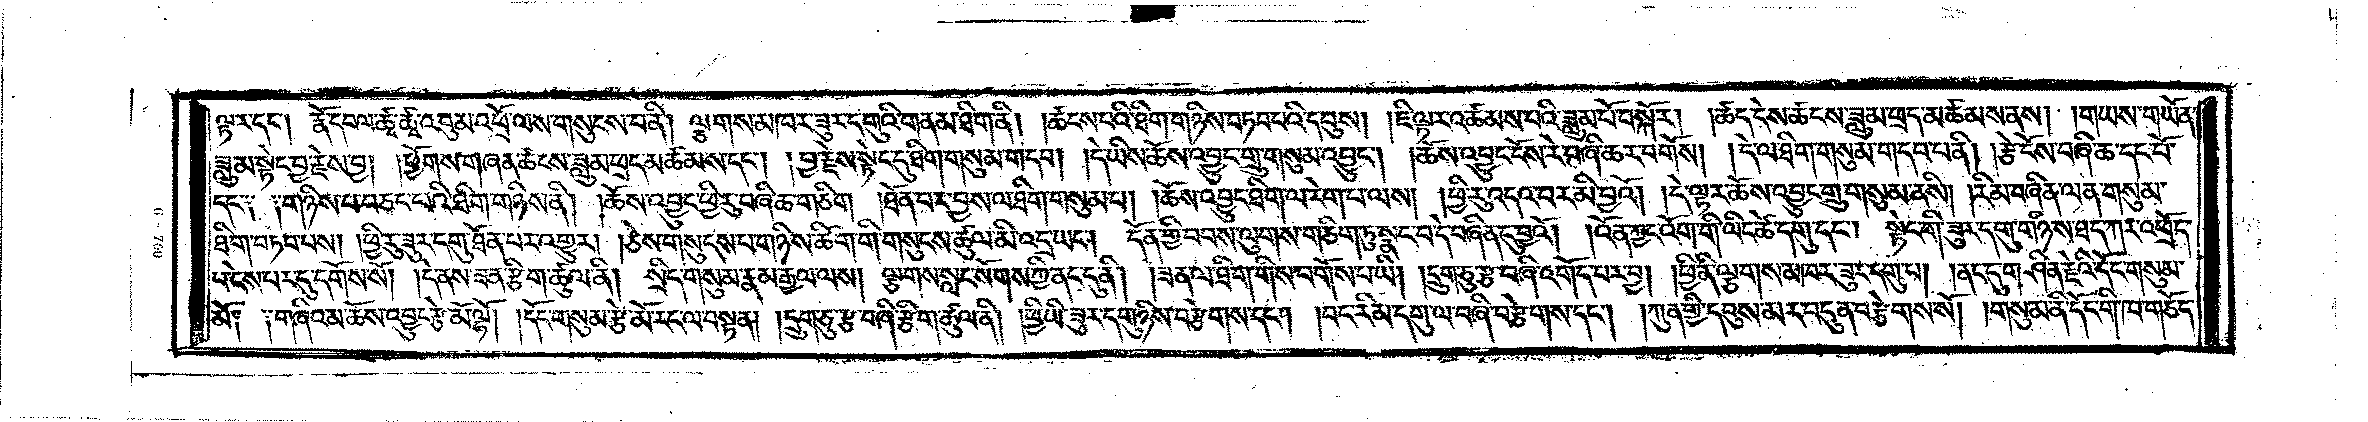ལྟར་དང་། རྣོ་དཔལ་ཚྭ་ཚྭ་འབུམ་འཕྲོ་ལས་གསུངས་པ་ནི། ལྕགས་མཁར་ཟུར་དགུའི་གནམ་ཐིག་ནི། །ཚངས་པའི་ཐིག་གཉིས་བཏབ་པའི་དབུས། །ཇི་ལྟར་འཚམས་པའི་ཟླུམ་པོ་བསྐོར། །ཚད་དེས་ཚངས་ཟླུམ་ཕྲད་མཚམས་ནས། །གཡས་གཡོན་
ཟླུམ་སྟེང་བྱ་རྗེས་བྱ། །ཕྱོགས་གཞན་ཚངས་ཟླུམ་ཕྲད་མཚམས་དང་། །བྱ་རྗེས་སྟེང་དུ་ཐིག་གསུམ་གདབ། །དེ་ཡིས་ཆོས་འབྱུང་གྲུ་གསུམ་འབྱུང་། །ཆོས་འབྱུང་ངོས་རེ་བཞི་ཆར་བགོས། །དེ་ལ་ཐིག་གསུམ་གདབ་པ་ནི། །རྩེ་ངོས་བཞི་ཆ་དང་པོ་
དང༑ ༑གཉིས་པ་བཅང་པའི་ཐིག་གཉིས་ནི། །ཆོས་འབྱུང་ཕྱི་རུ་བཞི་ཆ་གཅིག ། ཐོན་པར་བྱས་ལ་ཐིག་གསུམ་པ། །ཆོས་འབྱུང་ཐིག་ལ་རེག་པ་ལས། །ཕྱི་རུ་འདའ་བར་མི་བྱའོ། །དེ་ལྟར་ཆོས་འབྱུང་གྲུ་གསུམ་ནིས། །རིམ་བཞིན་ལན་གསུམ་
ཐིག་བཏབ་པས། །ཕྱི་རུ་ཟུར་དགུ་ཐུན་པར་འགྱུར། །ཅེས་གསུངས་པ་གཉིས་ཚིག་གི་གསུངས་ཚུལ་མི་འདྲ་ཡང་། དོན་གྱི་བབས་ལུགས་གཅིག་ཏུ་སྣང་བ་དེ་བཞིན་དུ་བྱའོ། །འོན་ཀྱང་འོག་གི་ལིང་ཚེ་དགུ་དང་། སྟེང་གི་ཟུར་དགུ་གཉིས་ཐད་ཀར་འཕྲོད་
པ་ངེས་པར་དུ་དགོས་སོ། །དེ་ནས་ཟན་རྩིག་ཚུལ་ནི། སྲིད་གསུམ་རྣམ་རྒྱལ་ལས། ལྕགས་སླང་སོགས་ཀྱི་ནང་དུ་ནི། །ཟན་ལ་ཐིག་གིས་བགོས་པ་ཡི། །དྲུག་བཅུ་རྩ་བཞི་འགོད་པར་བྱ། །ཕྱི་ནི་ལྕགས་མཁར་ཟུར་དགུ་པ། །ནང་དུ་གཤིན་རྗེའི་དོང་གསུམ་
མོ༑ ༑གཞིའམ་ཆོས་འབྱུང་རྩེ་མོ་ལྷོ། །དོང་གསུམ་རྩེ་མོ་རང་ལ་བསྟན། །དྲུག་ཅུ་རྩ་བཞི་རྩིག་ཚུལ་ནི། །ཕྱི་ཡི་ཟུར་དགུ་ཉིས་བརྩེགས་དང་། །བང་རིམ་དགུ་ལ་བཞི་བརྩེགས་དང་། །ཀུན་གྱི་དབུས་མར་བདུན་བརྩེགས་སོ། །གསུམ་ནི་དོང་གི་ཁ་གཅོད་